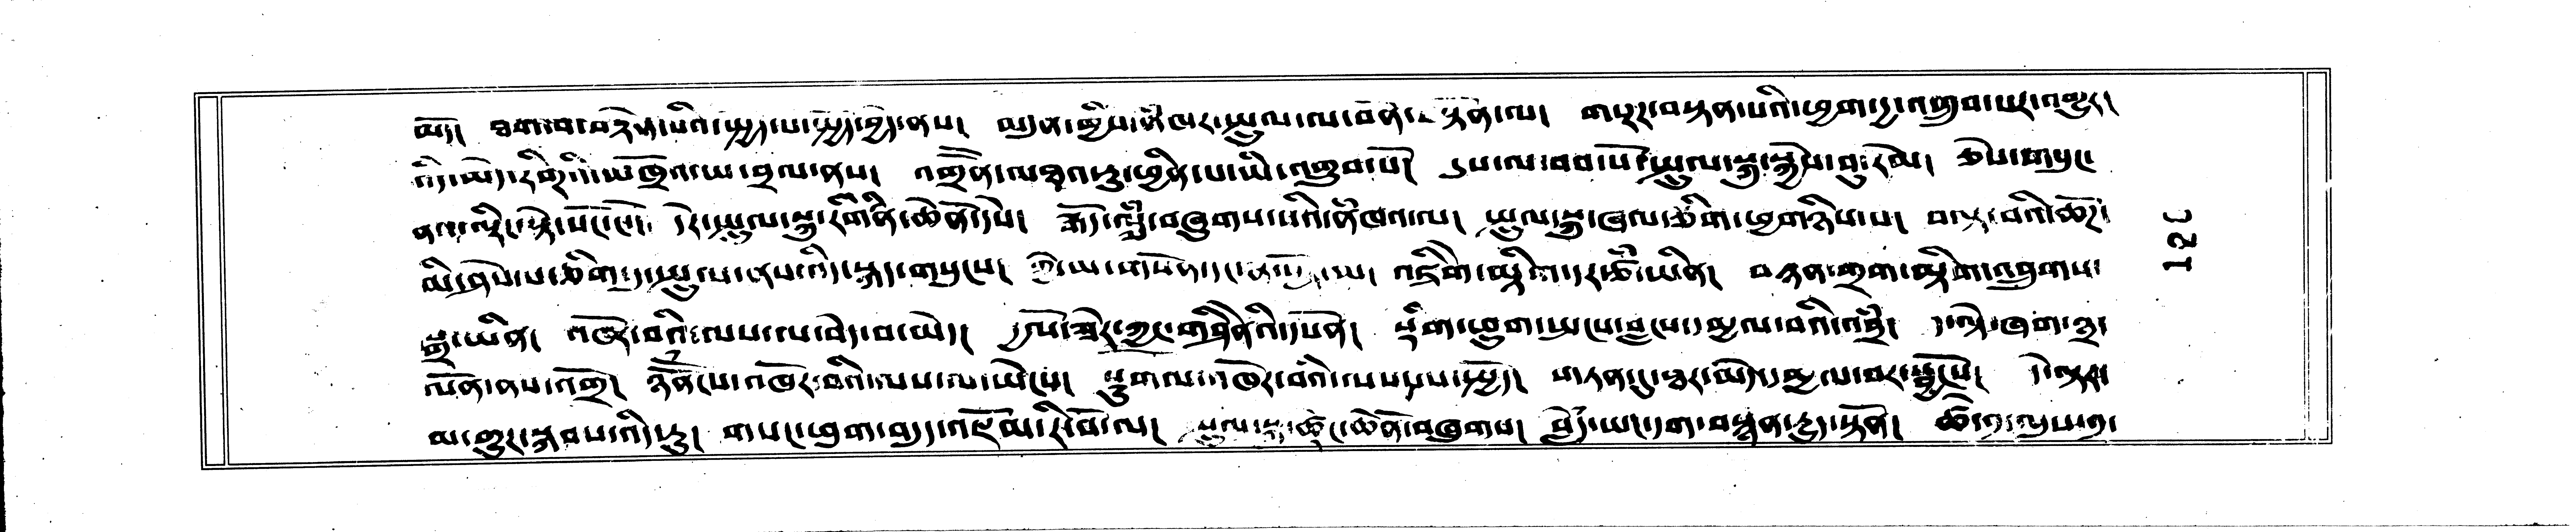མོད། ཐེག་པ་བརྟེན་སྤྱད་པ་སྤྱོད་བྱེད་ནས། མདུན་གྱི་ནམ་མཁར་སྤྲུལ་ལ་བོན་སྟོན་ལ། གསང་སྔགས་བསྟན་པའི་ཕྱག་རྒྱ་འགྲུབ་པར་འགྱུར། 
འདི་མེད་རིགས་ལྔའི་མཁའ་འགྲོ་ཡ་བྲལ་ནས། འགྲོ་དོན་མཐའ་རུ་ཕྱིན་པ་མི་འགྲུབ་བོ། དུས་ལ་བབ་པོ་སྤྲུལ་སྐུ་སྐྱེས་བུ་རོལ། ཅེས་གསུངས་
ནས་ལྡིང་སྟེ་སོང་ངོ་། དེར་སྤྲུལ་སྐུ་རིག་འཛིན་ཆེན་པོ་དེས། རྒོད་ལྕམ་བཞུགས་པའི་ནམ་མཁའ་ལ། སྤྲུལ་སྐུ་ཞལ་གཅིག་ཕྱག་གཉིས་པ། བལྟ་བའི་ཆོག་
མི་ཤེས་པ་ཅིག་ཏུ་སྤྲུལ་ནས་འདི་སྐད་གསུངས། ཀྱེ་མ་གསོན་དང་རྣལ་འབྱོར་པ། འཇིག་རྟེན་མི་རྒག་དར་ཙམ་ཡིན། སྙན་གྲགས་མི་རྟག་འབྲུག་
སྒྲ་ཡིན། འཁོར་བའི་ལས་ལ་བདེ་བ་མེད། རྒྱལ་པོ་ཟེར་ཀྱང་གཤིན་རྗེའི་དེད་དཔོན། སྡིག་ཕྲུག་སྤང་བླང་དམྱལ་བའི་འབྲམ། ད་སྟེ་ཞག་གསུམ་
ལོན་ནས་འགྲོ། ཉོན་མོངས་འཁོར་བའི་ལས་ལ་ཡེངས། སྡུག་བསྔལ་འཁོར་བའི་ལས་ལ་སྤྱོད། གཏན་དུ་ཐར་མེད་དམྱལ་བར་སྦྱོངས། དེ་ལྟར་
མ་གྱུར་སྐབས་འདི་རུ། གསང་ཕུག་བདུད་འཇོམས་རི་བོ་ལ། སྤྲུལ་སྐུ་ཚེ་དབང་ཆེན་པོ་བཞུགས། བླ་མེད་ཡང་དག་སྙན་རྒྱུད་སྟོན། ཚེ་གཅིག་ལུས་གཅིག་